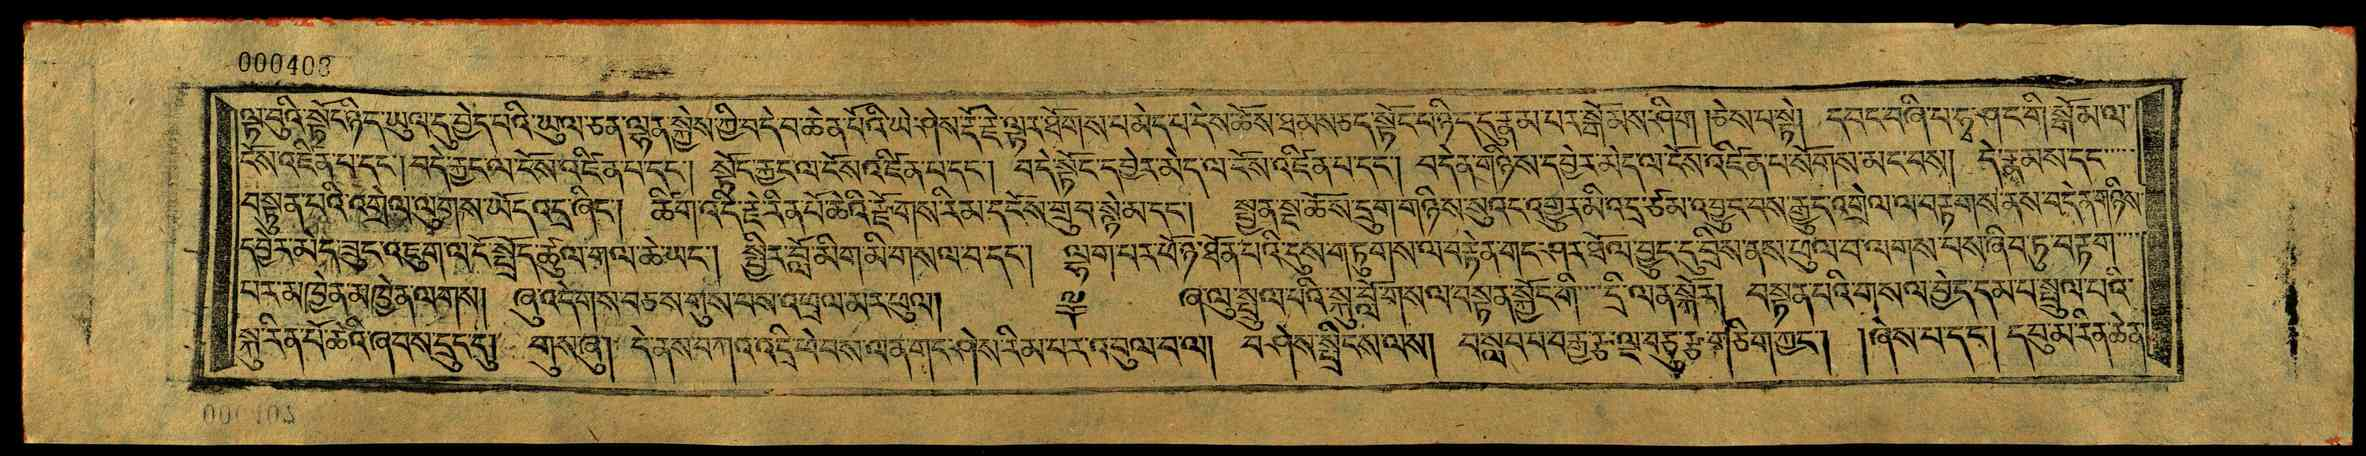ལྟ་བུའི་སྟོང་ཉིད་ཡུལ་དུ་བྱེད་པའི་ཡུལ་ཅན་ལྷན་སྐྱེས་ཀྱི་བདེ་བ་ཆེན་པོའི་ཡེ་ཤེས་རྡོ་རྗེ་ལྟར་ཐོགས་པ་མེད་པ་དེས་ཆོས་ཐམས་ཅད་སྟོང་པ་ཉིད་དུ་རྣམ་པར་སྒོམས་ཤིག །ཅེས་པ་སྟེ། དབང་བཞི་པ་ཧྭ་ཤང་གི་སྒོམ་ལ་
ངོས་འཛིན་པ་དང་། བདེ་རྐྱང་ལ་ངོས་འཛིན་པ་དང་། སྟོང་རྐྱང་ལ་ངོས་འཛིན་པ་དང་། བདེ་སྟོང་དབྱེར་མེད་ལ་ངོས་འཛིན་པ་དང་། བདེ་སྟོང་དབྱེར་མེད་ལ་ངོས་འཛིན་པ་དང་། བདེན་གཉིས་དབྱེར་མེད་ལ་ངོས་འཛིན་པ་སོགས་མང་བས། དེ་རྣམས་དང་
བསྟུན་པའི་འགྲེལ་ལུགས་ཡོད་འདྲ་ཞིང་། ཚིག་འདི་རྗེ་རིན་པོ་ཆེའི་རྫོགས་རིམ་དངོས་གྲུབ་སྙེ་མ་དང་། སྤྱན་སྔ་ཆོས་དྲུག་གཉིས་སུའང་འགྱུར་མི་འདྲ་ཙམ་འབྱུང་བས་རྒྱུད་འགྲེལ་ལ་བརྟགས་ནས་བདེན་གཉིས་
དབྱེར་མེད་ཟུང་འཇུག་ལ་ངོ་སྤྲོད་ཚུལ་གལ་ཆེ་ཡང་། སྤྱིར་བློ་མིག་མི་གསལ་བ་དང་། ལྷག་པར་ཕོ་ཉ་ཐོན་པའི་དུས་གཏུགས་ལ་བརྟེན་གང་ཤར་ཐོལ་བྱུང་དུ་བྲིས་ནས་ཕུལ་བ་ལགས་པས་ཞིབ་ཏུ་བརྟག་
པར་མཁྱེན་མཁྱེན་ལགས། ཞུ་འདེགས་བཅས་གུས་པས་འཕྲལ་མར་ཕུལ།